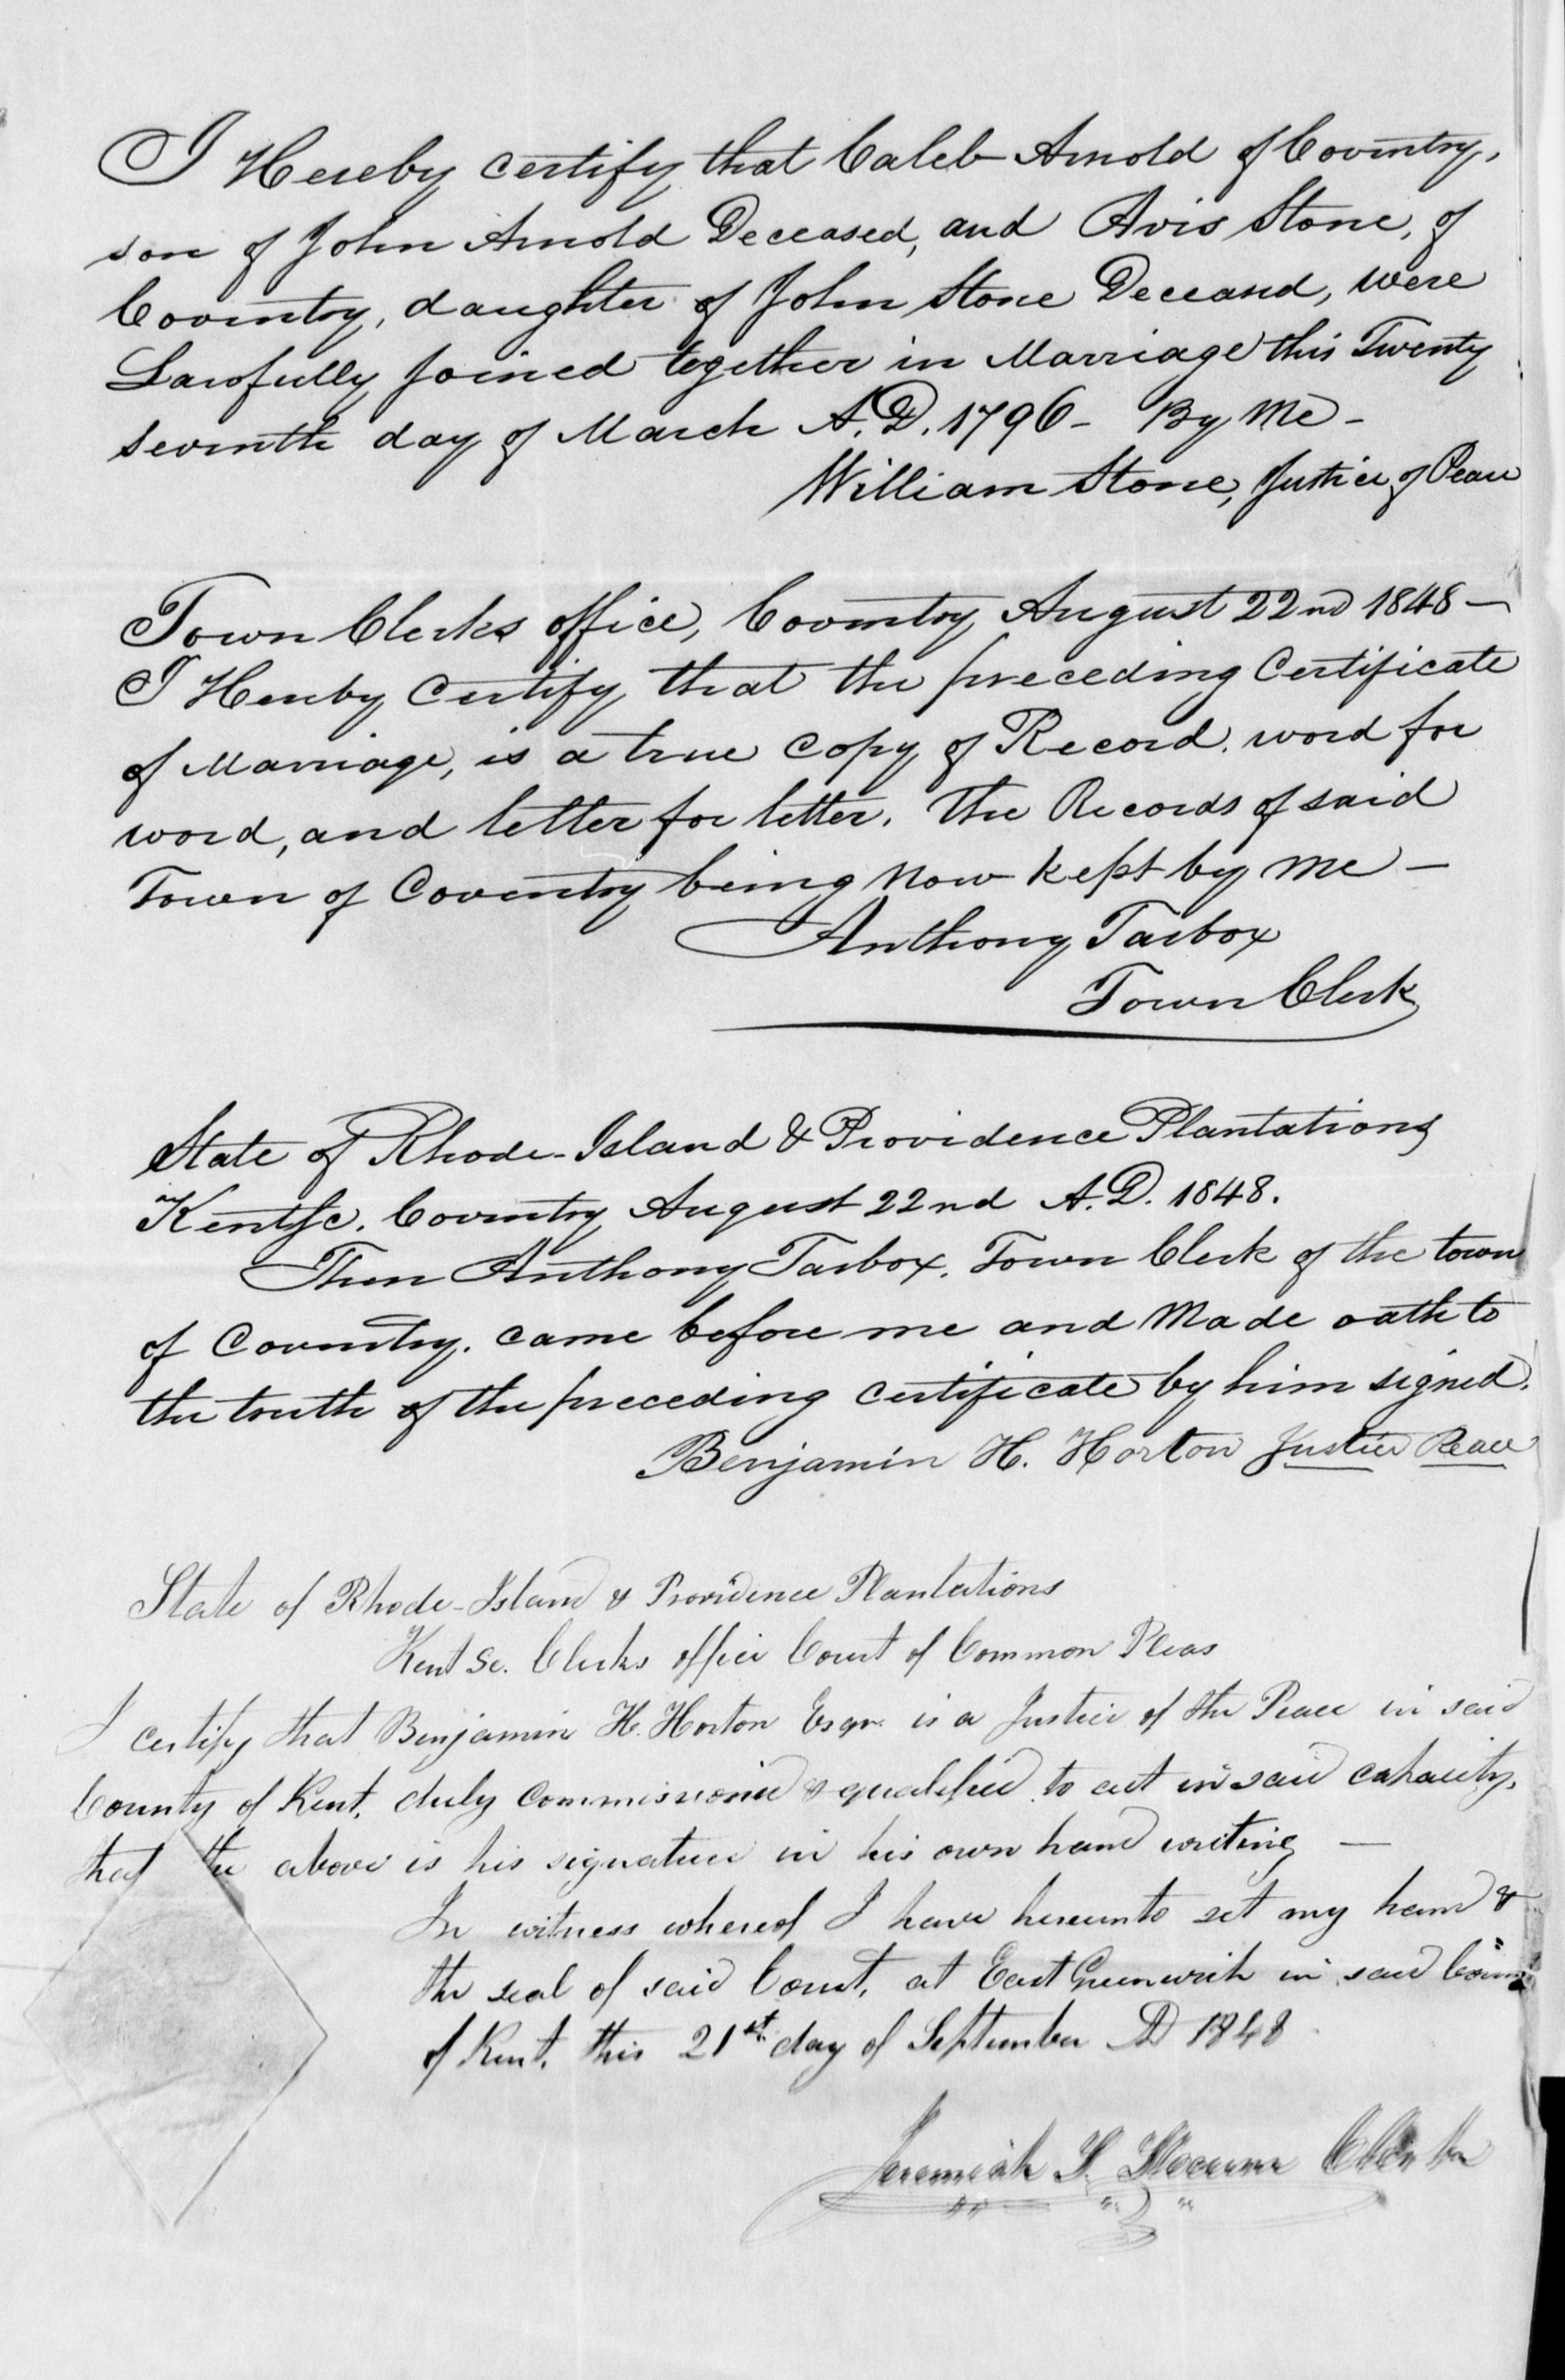I Hereby certify that Caleb Arnold of Coventry, son of John Arnold Deceased, and Avis Stone, of Coventry, daughter of John Stone Deceased, were Lawfully Joined together in Marriage this Twenty Seventh day of March A.D. 1796 - By Me - William Stone, Justice of Peace

Town Clerks office, Coventry August 22nd 1848 - I Hereby certify that the preceding Certificate of Marriage, is a true copy of Record, word for word, and letter for letter. The Records of said Town of Coventry being now kept by me - 
[signed] Anthony Tarbox
Town Clerk

State of Rhode Island & Providence Plantations
[illegible], Coventry August 22nd A.D. 1848.
Then Anthony Tarbox, Town Clerk of the Town of Coventry, came before me and made oath to the truth of the preceding certificate by him signed. 
[signed] Benjamin H. Horton Justice Peace

State of Rhode Island & Providence Plantations
Kent Se. Clerks Office Court of Common Pleas
I certify that Benjamin H. Horton Esquire is a Justice of the Peace in said County of Kent, duly commissioned + qualified to act in said capacity, 
[illegible word is partially covered by the seal] above is his signature in his own hand writing -
In witness whereof I have hereunto set my hand + the seal of said Court, at East Greenwich in said County of Kent, this 21st day of September AD 1848.
[signed] Jeremiah S. Slocum Clerk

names: Avis Stone, John Arnold, Benjamin H Horton, Anthony Tarbox, Caleb Arnold, William Stone, Benjamin H Horton, Anthony Tarbox, John Stone, Jeremiah S Slocum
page: 12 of 29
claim: widow's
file: W. 2582, Caleb Arnold, R.I.